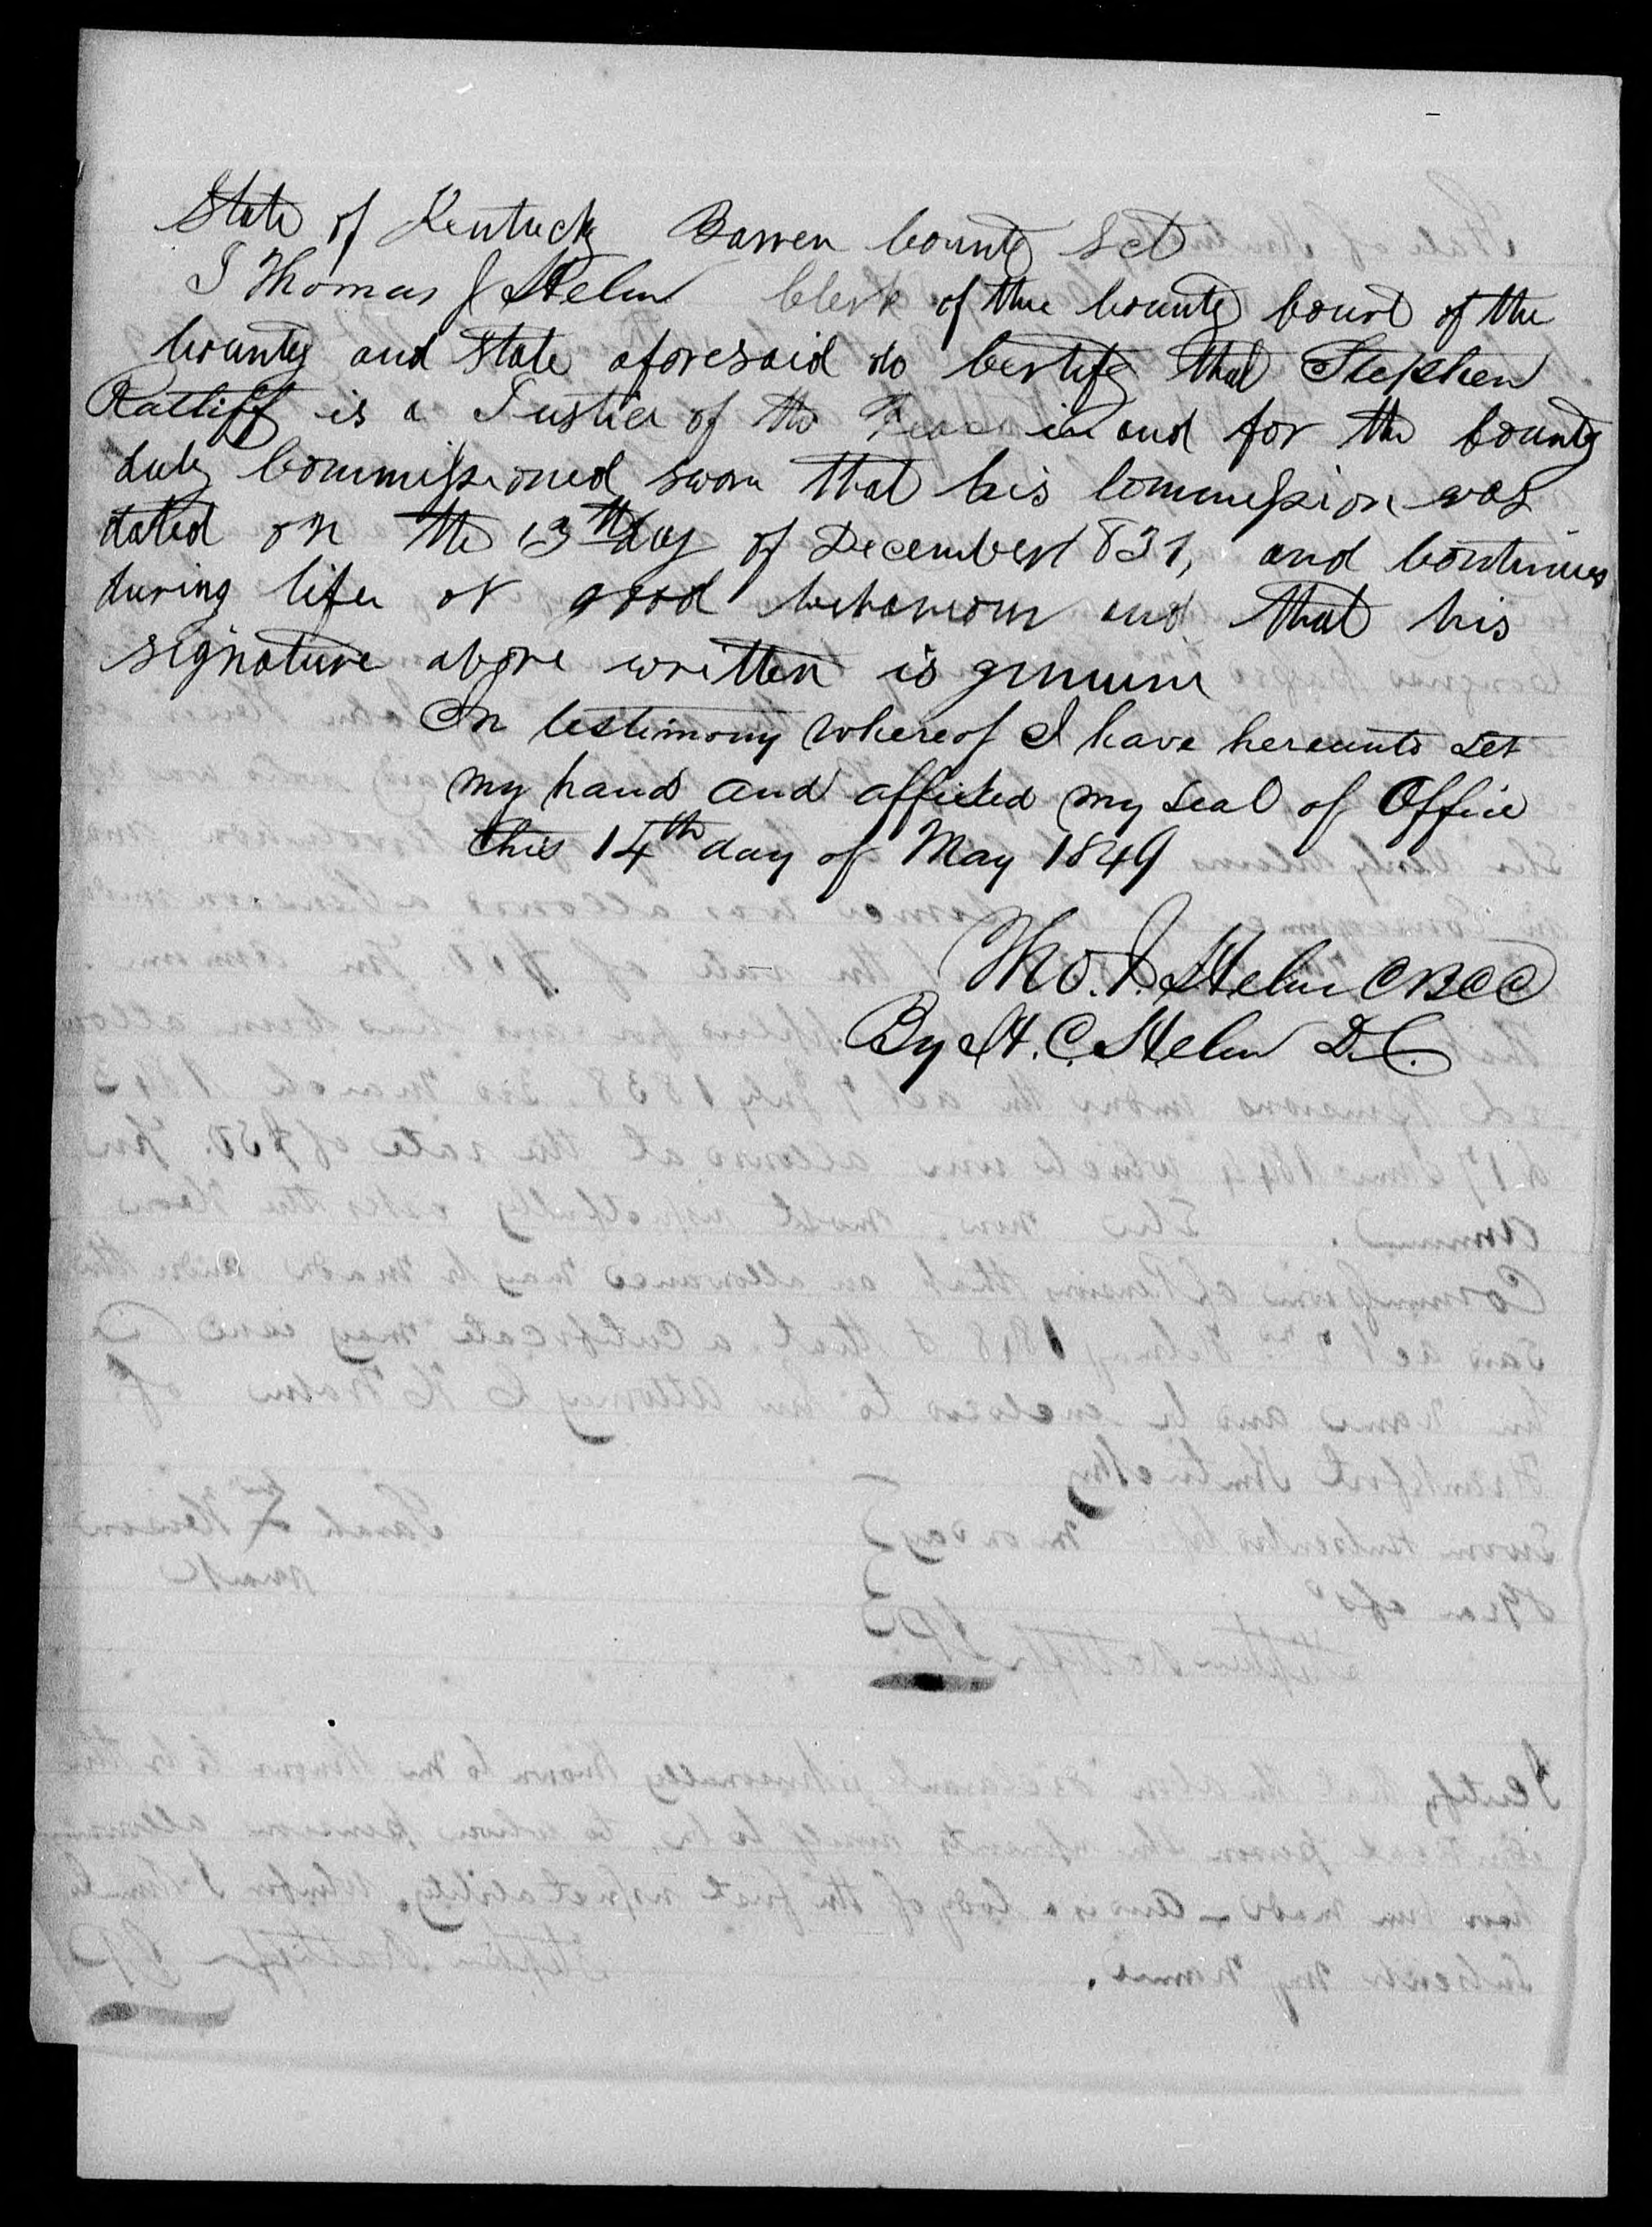State of Kentucky Barren County Sct

I Thomas J Helm Clerk of the County Court of the County and the State aforesaid do testify that Stephen Ratliff is a Justice of the Peace in and for the County duly commissioned sworn that his commission was dated on the 13th day of December 1831, and continues during life of good behavior and that his signature above written is genuine
In testimony whereof I have hereunto set my hand and affixed my Seal of Office this 14th day of May 1849
                             Tho. J. Helm CBCC
                             By H. C. Helm D. C.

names: Tho J Helm, Stephen Ratliff, H C Helm, Thomas J Helm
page: 46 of 58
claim: widow's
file: W. 8932, John Hiser, Penn.